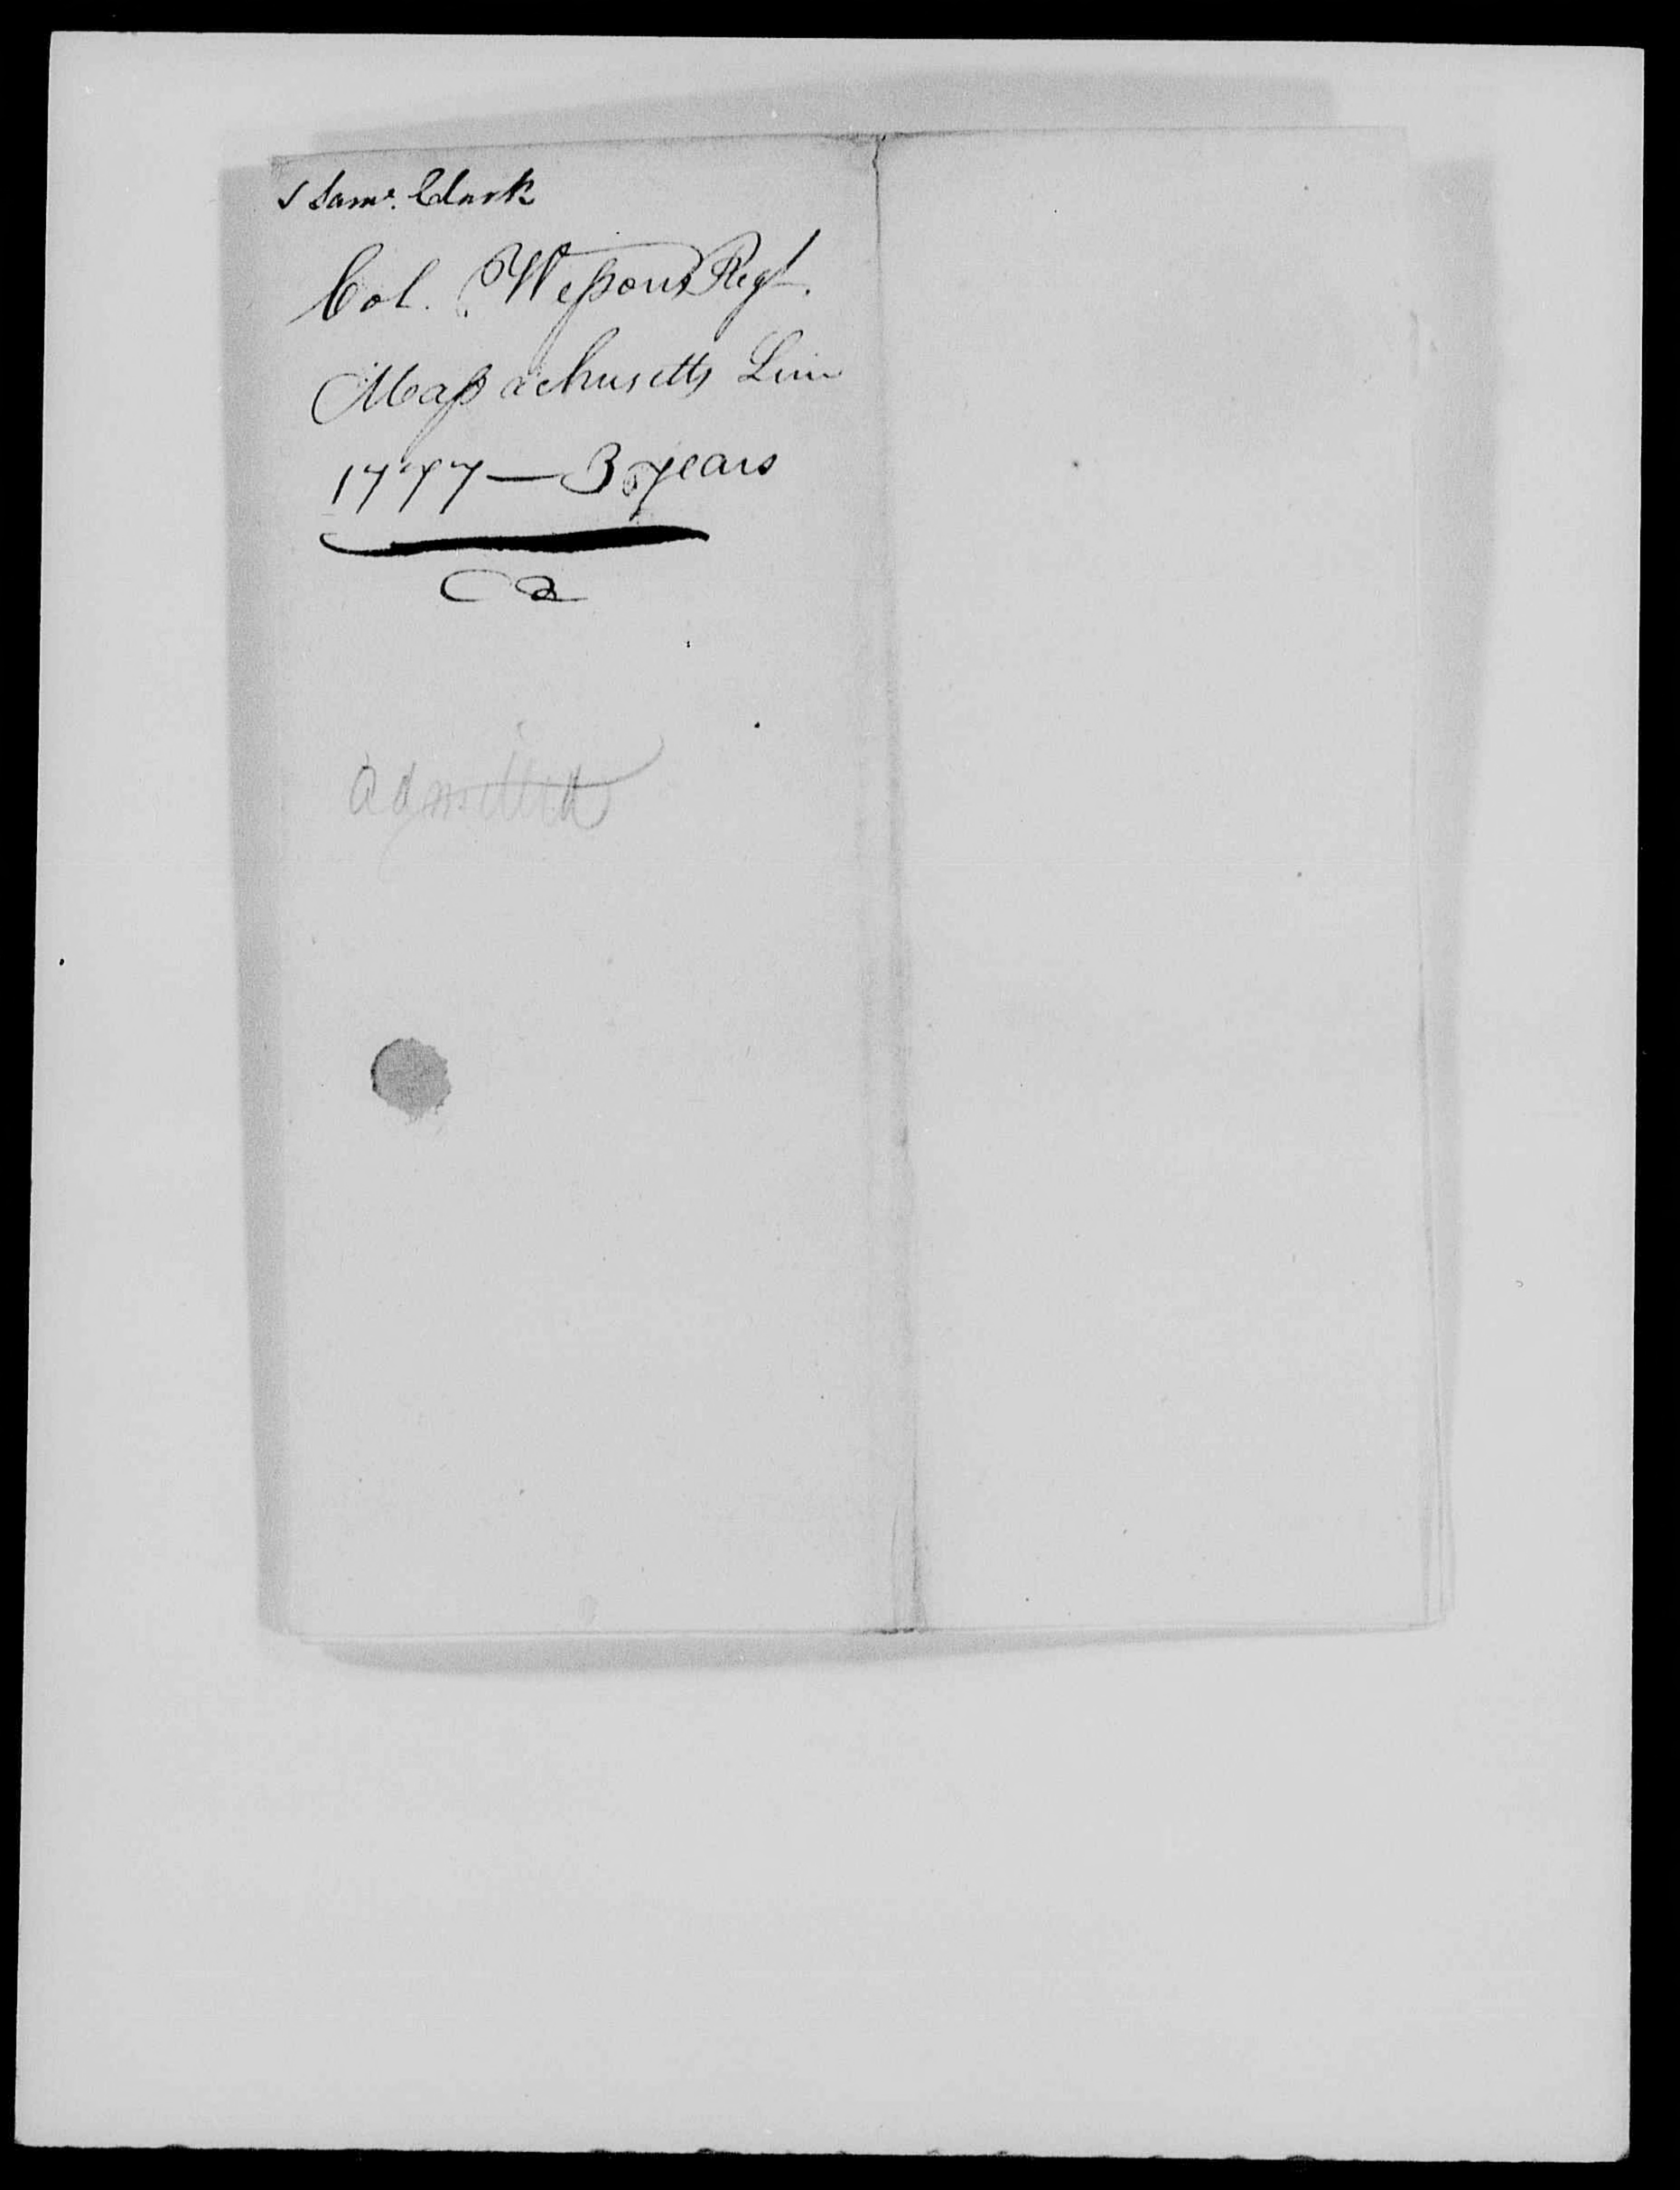Sam'l Clark
Col. Wessons Reg
Massachusetts Line
1777 - 3 years

Ca
[faint signature]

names: Saml Clark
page: 3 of 14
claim: survivor's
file: S. 34696, Samuel Clark, Continental Mass.